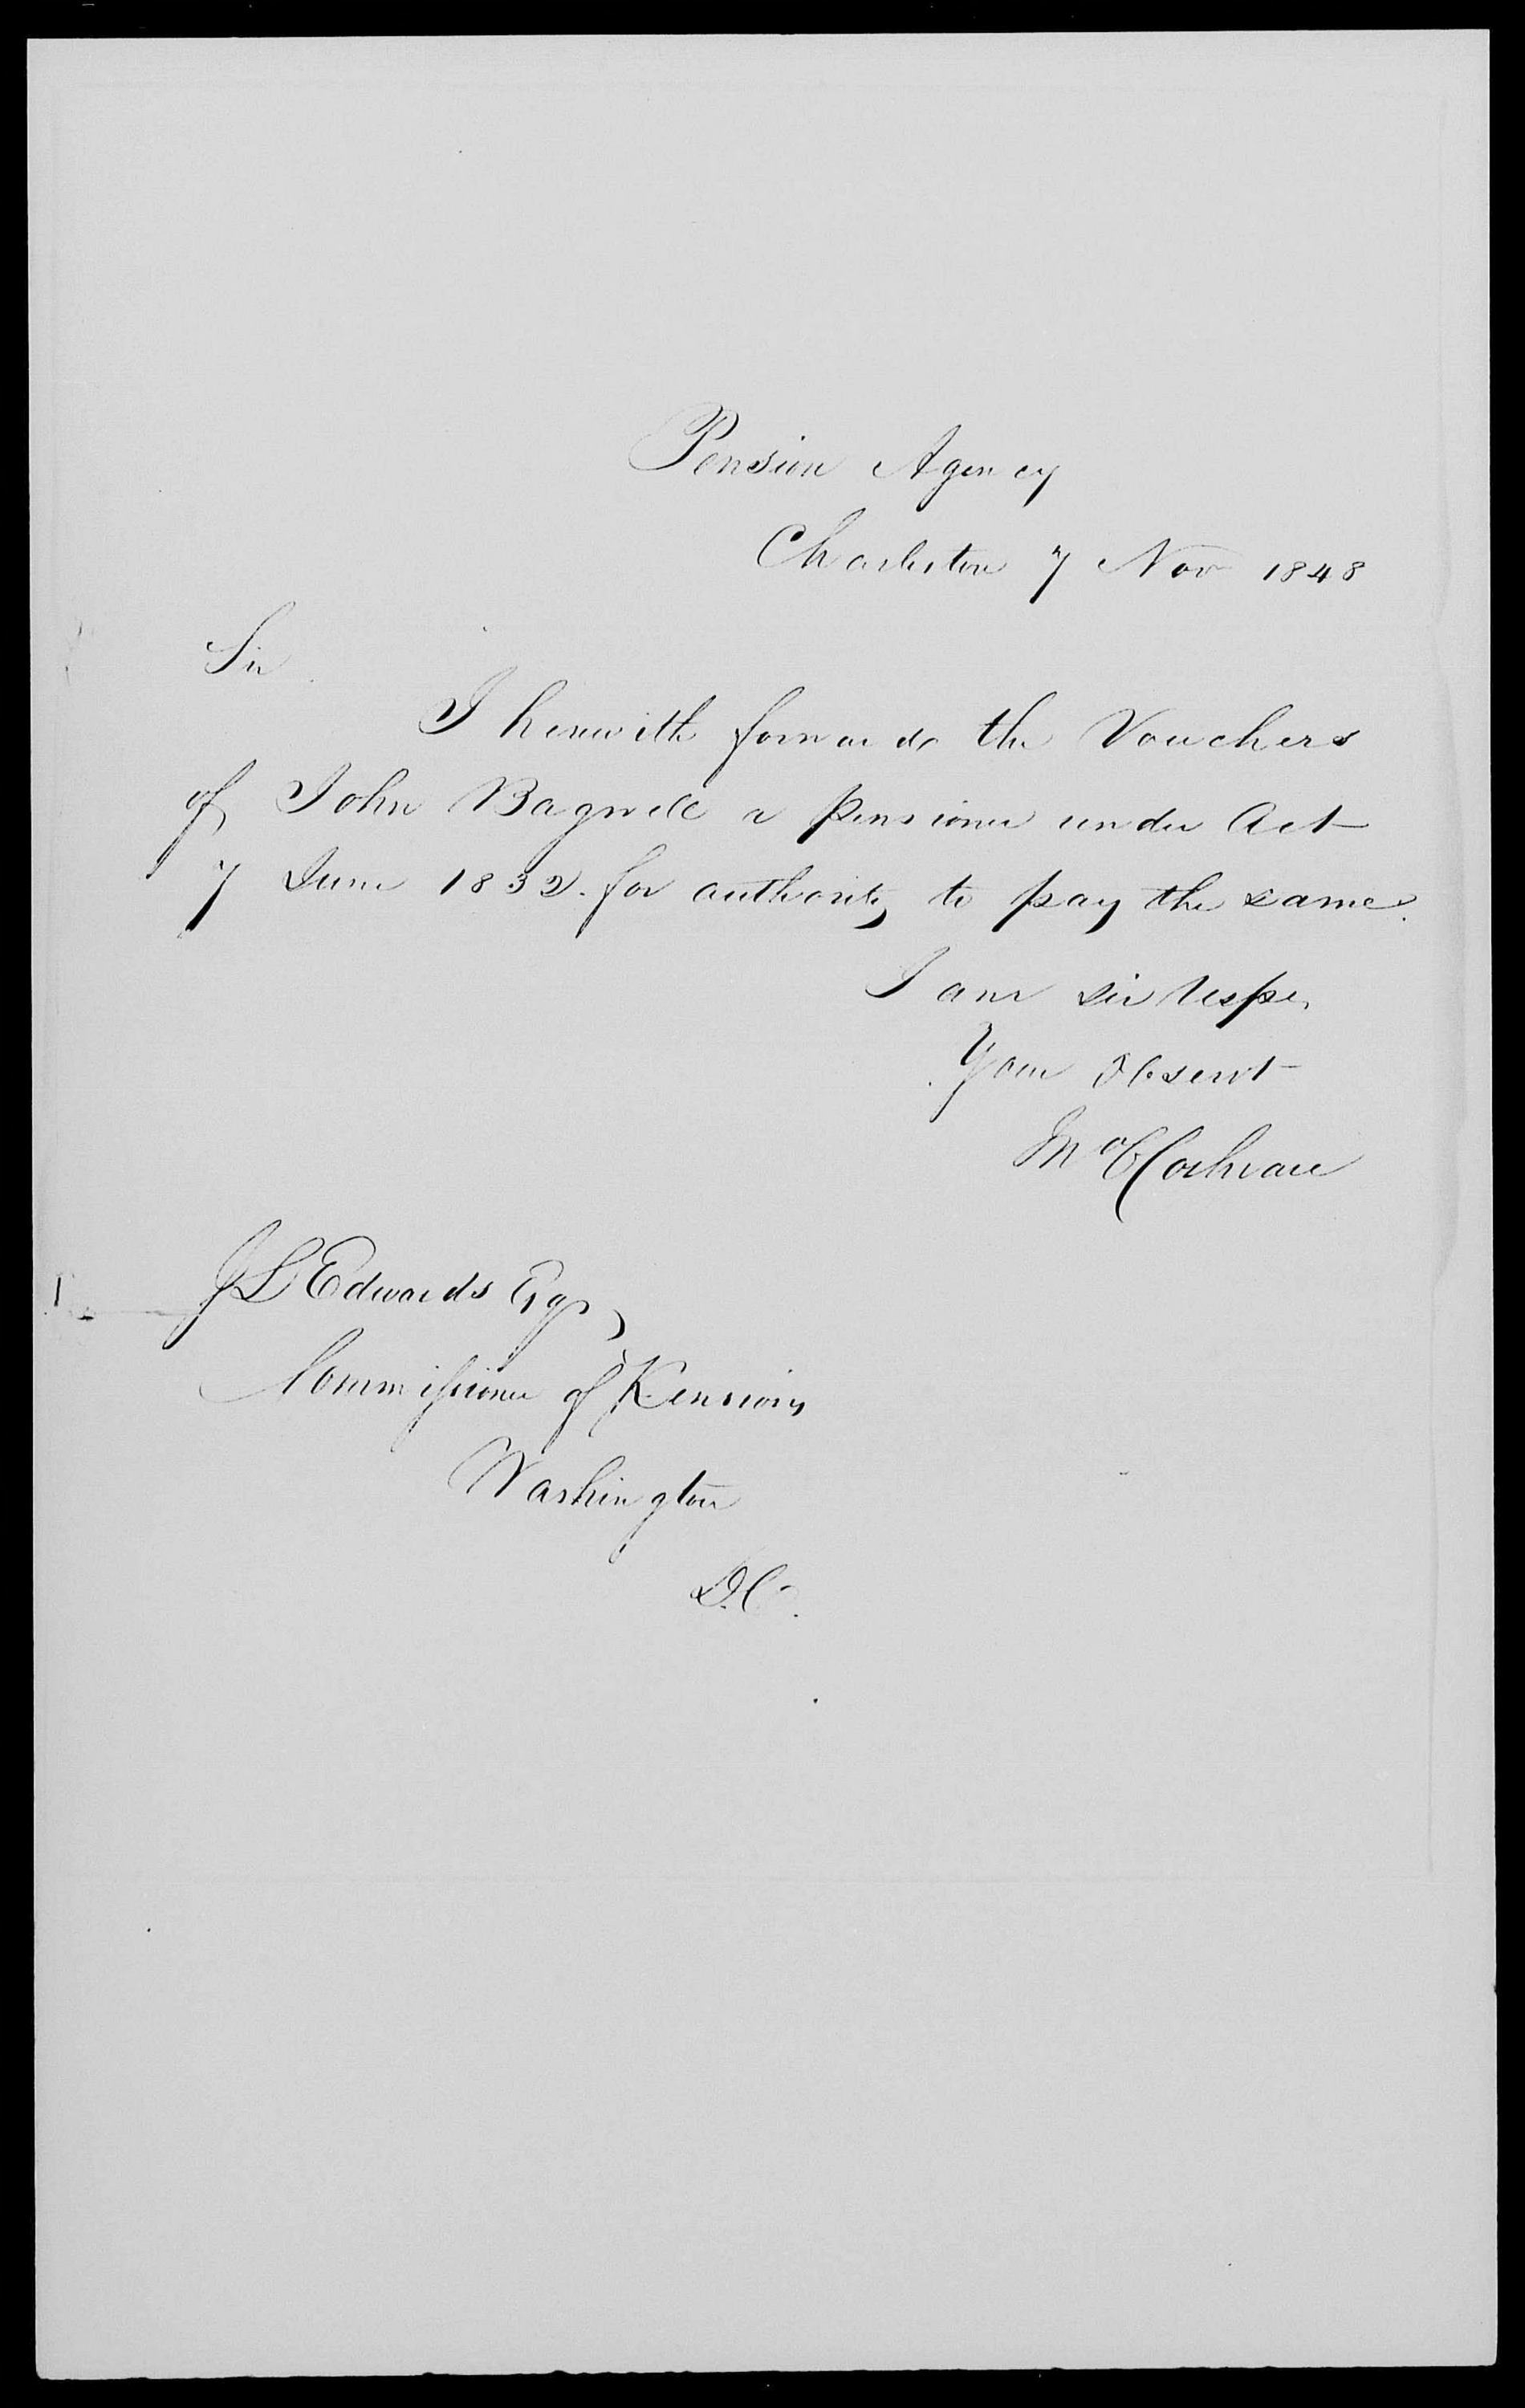Sir
Pension Agency
Charleston 7 Nov 1848
I
herewith forward the Vouchers
of John Bagwell a Pensioner under act
of June 1832 for authority to pay the same
I am Sir Resper
your ob servt
Jno b Cochran
JL Edwards Esq
Commissioner of Pensions
Washington
DC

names: Jno B Cochran, J L Edwards, John Bagwell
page: 33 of 36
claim: survivor's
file: S 6571, John Bagwell, N.C.